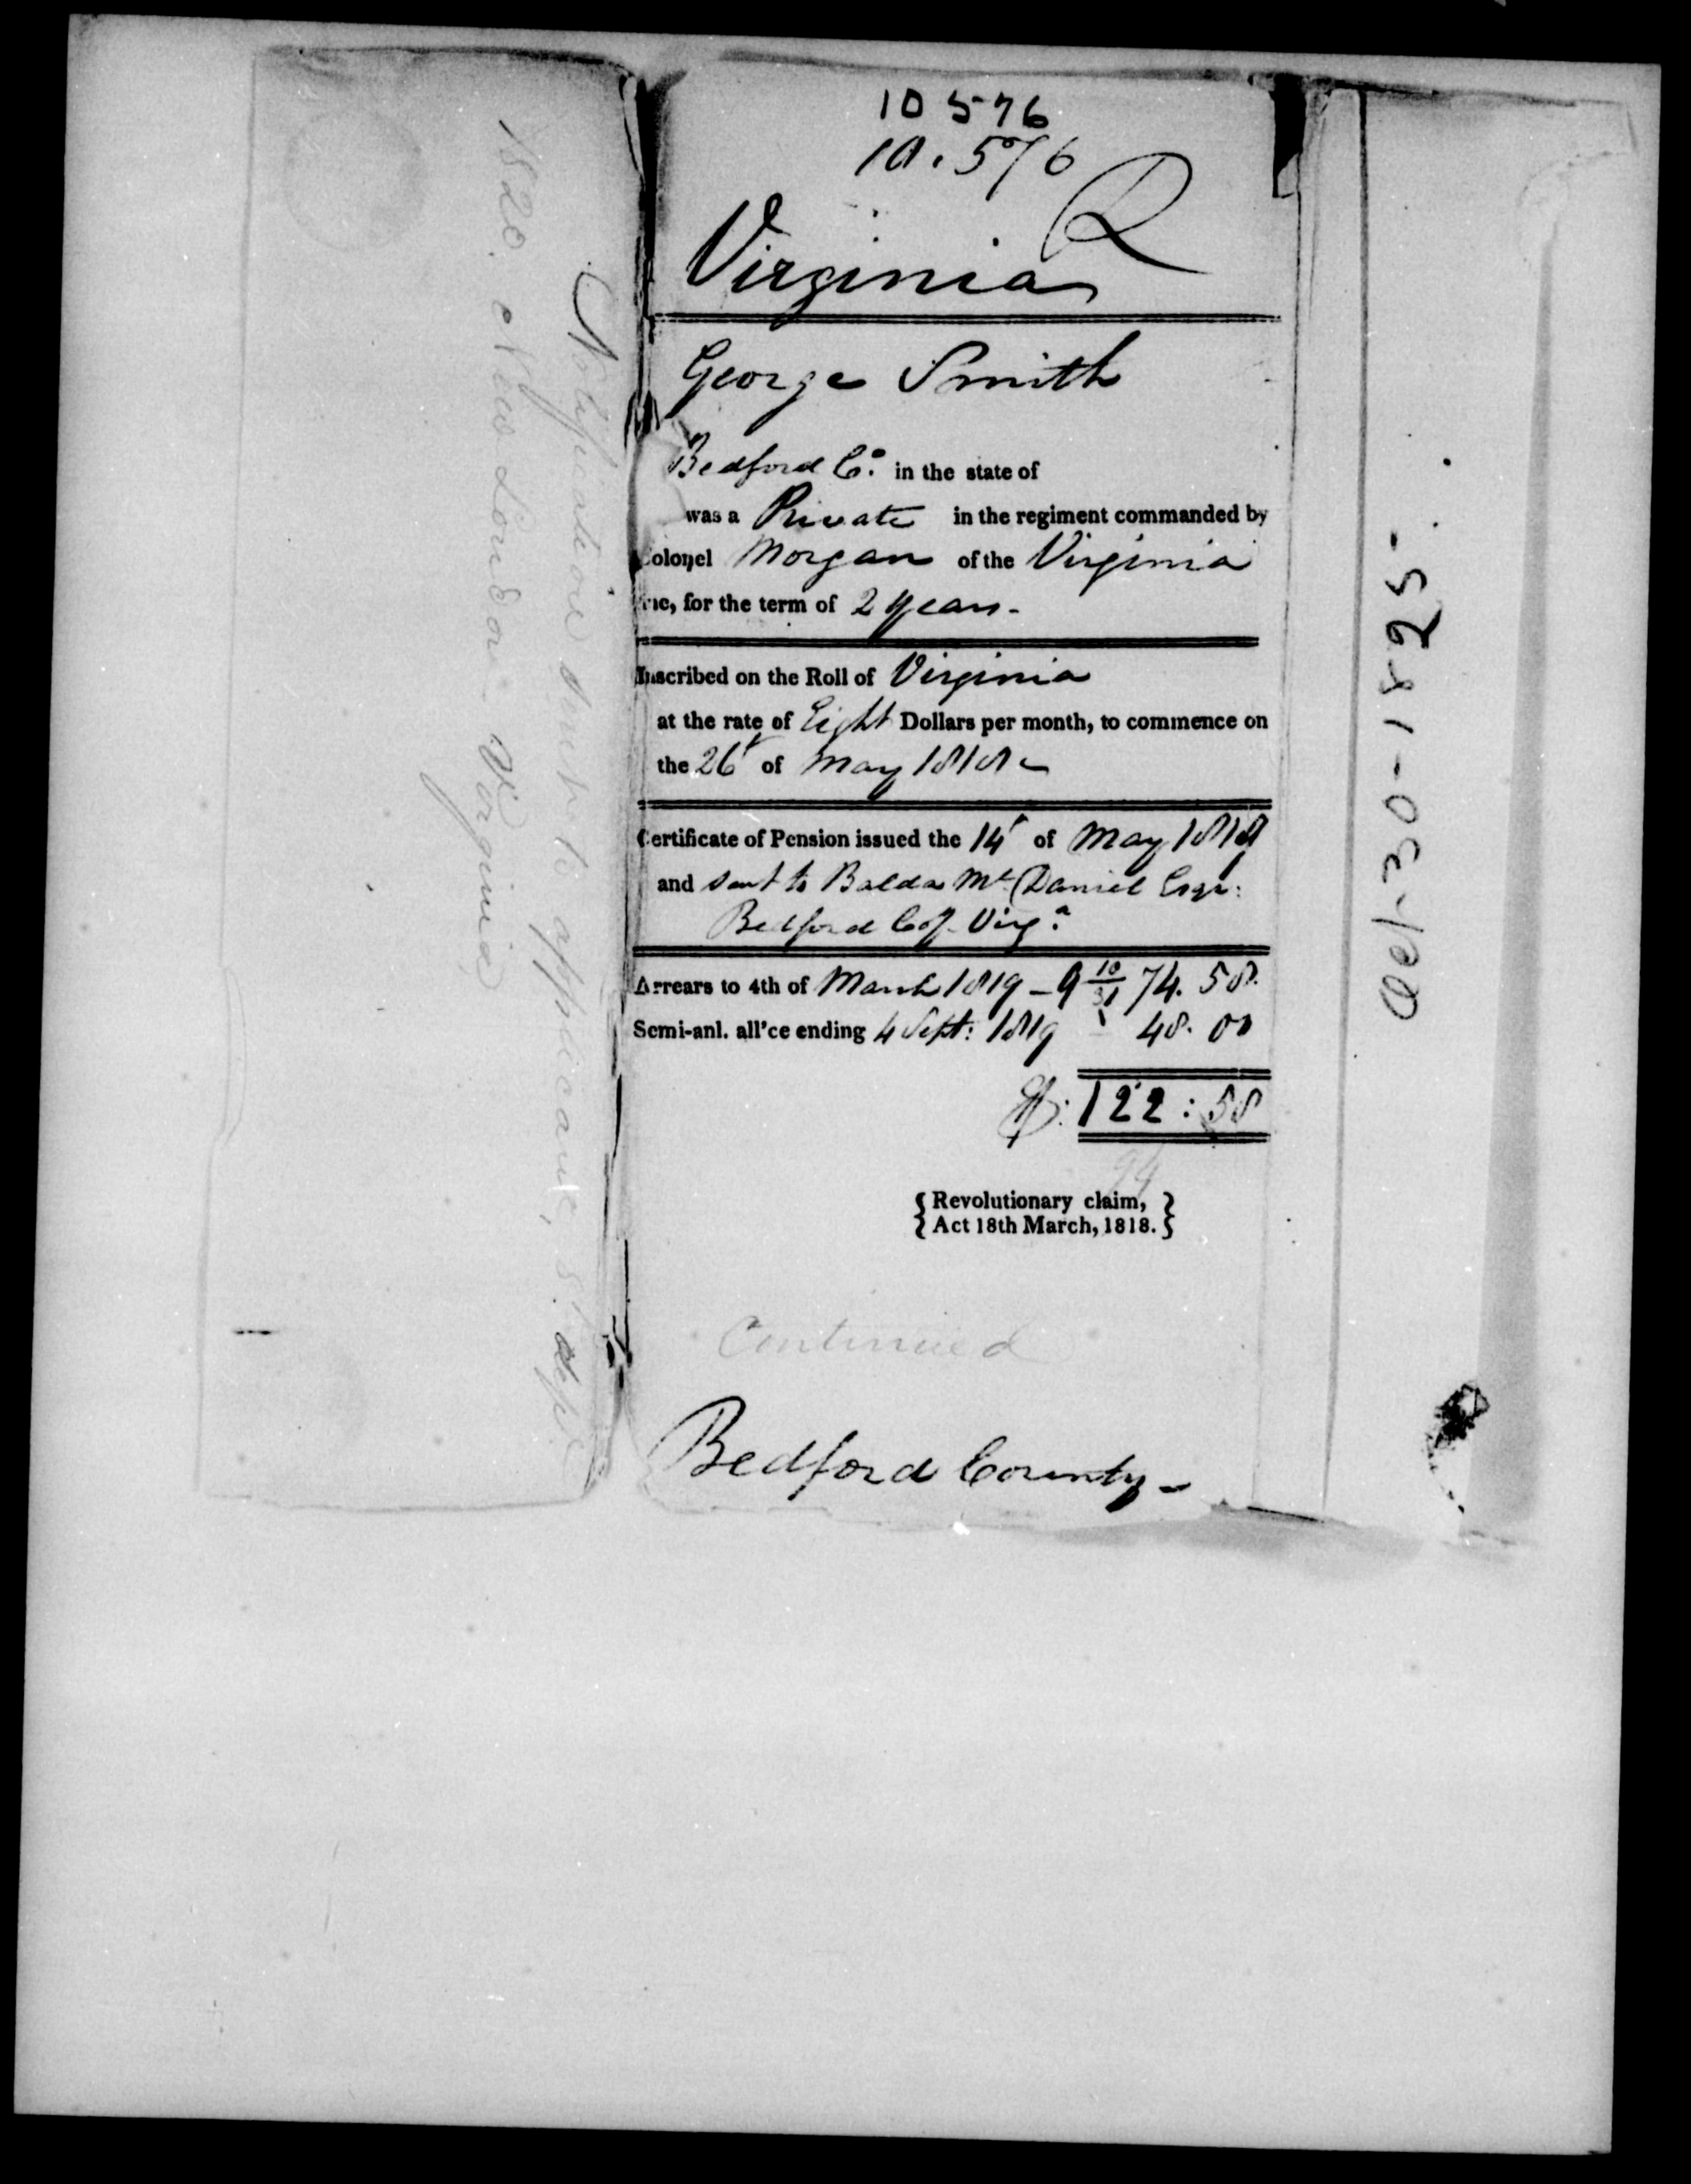10576
10.576
R
Virginia
George Smith 
Bedford Co. in the state of 
was a Private in the regiment commanded by Colonel Morgan of the Virginia line, for a term of 2 years.
Inscribed on the Roll of Virginia
at the rate of Eight Dollars per month, to commence on the 26t of May 1818 -
Certificate of Pension issued the 14t of May 1819 and sent to Balda McDaniel Esqr:
Bedford Co. Virga.
Arrears to 4th of March 1819  - 9 10/31 74.50
Semi-anl. all'ce ending 4 Sept: 1819 48.00
$122.58 
{Revolutionary claim, Act 18th March, 1818.}
Continued
Bedford County
{written vertically on left side} No {illegible} sent to applicant {illegible} 1820 {illegible}
Virginia
{written vertically on right side} Oct - 30 - 1825 -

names: [BLANK] Morgan; George Smith; Balda Mc Daniel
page: 2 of 16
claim: survivor's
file: S. 38,386, for George Smith, Virginia